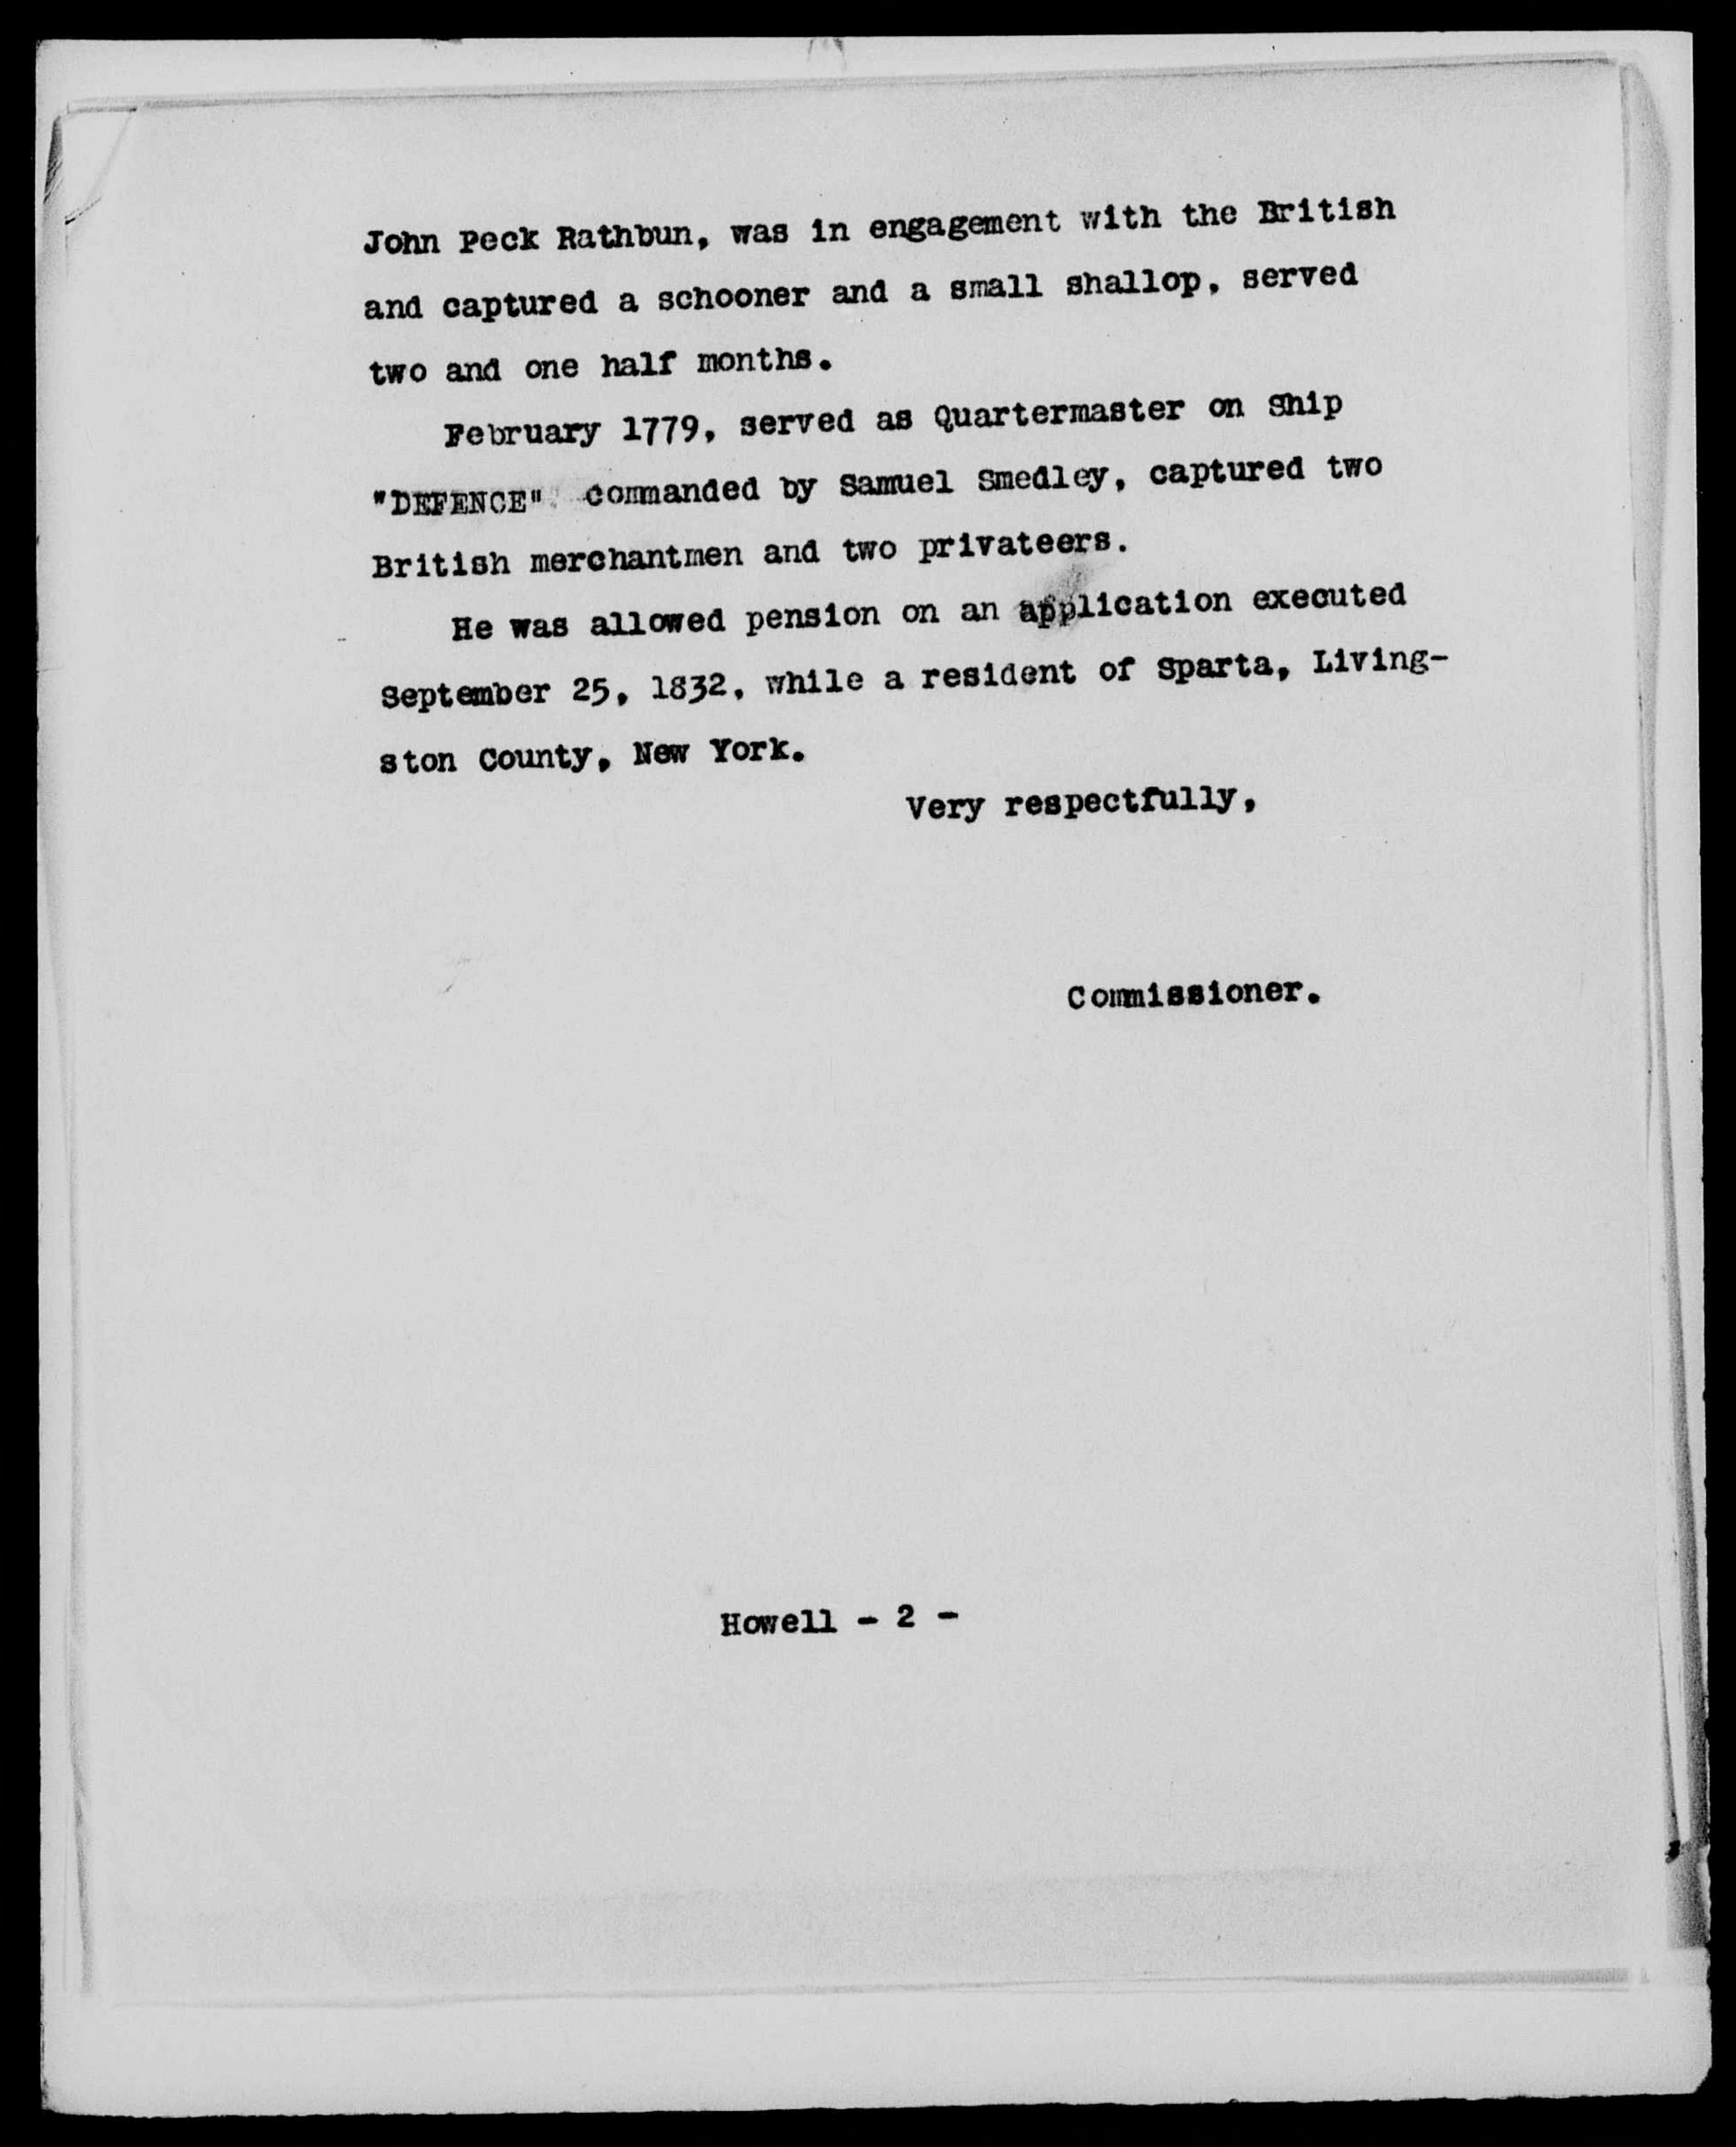John Peck Rathbun, was in engagement with the British and captured a schooner and a small shallop, served two and one half months.
Feburary 1779, served as Quartermaster on Ship "DEFENCE" commanded by Samuel Smedley, captured two British merchantmen and two privateers.
He was allowed pension on an application executed September 25, 1832, while a resident of Sparta, Livingston Country, New York.

Very respectfully,

Commissioner.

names: John Peck Rathbun, Howell, Samuel Smedley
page: 8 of 18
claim: survivor's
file: S. 18,039, William Howell, Conn. Sea Service Mass. And Mass. Sea Service Privateer